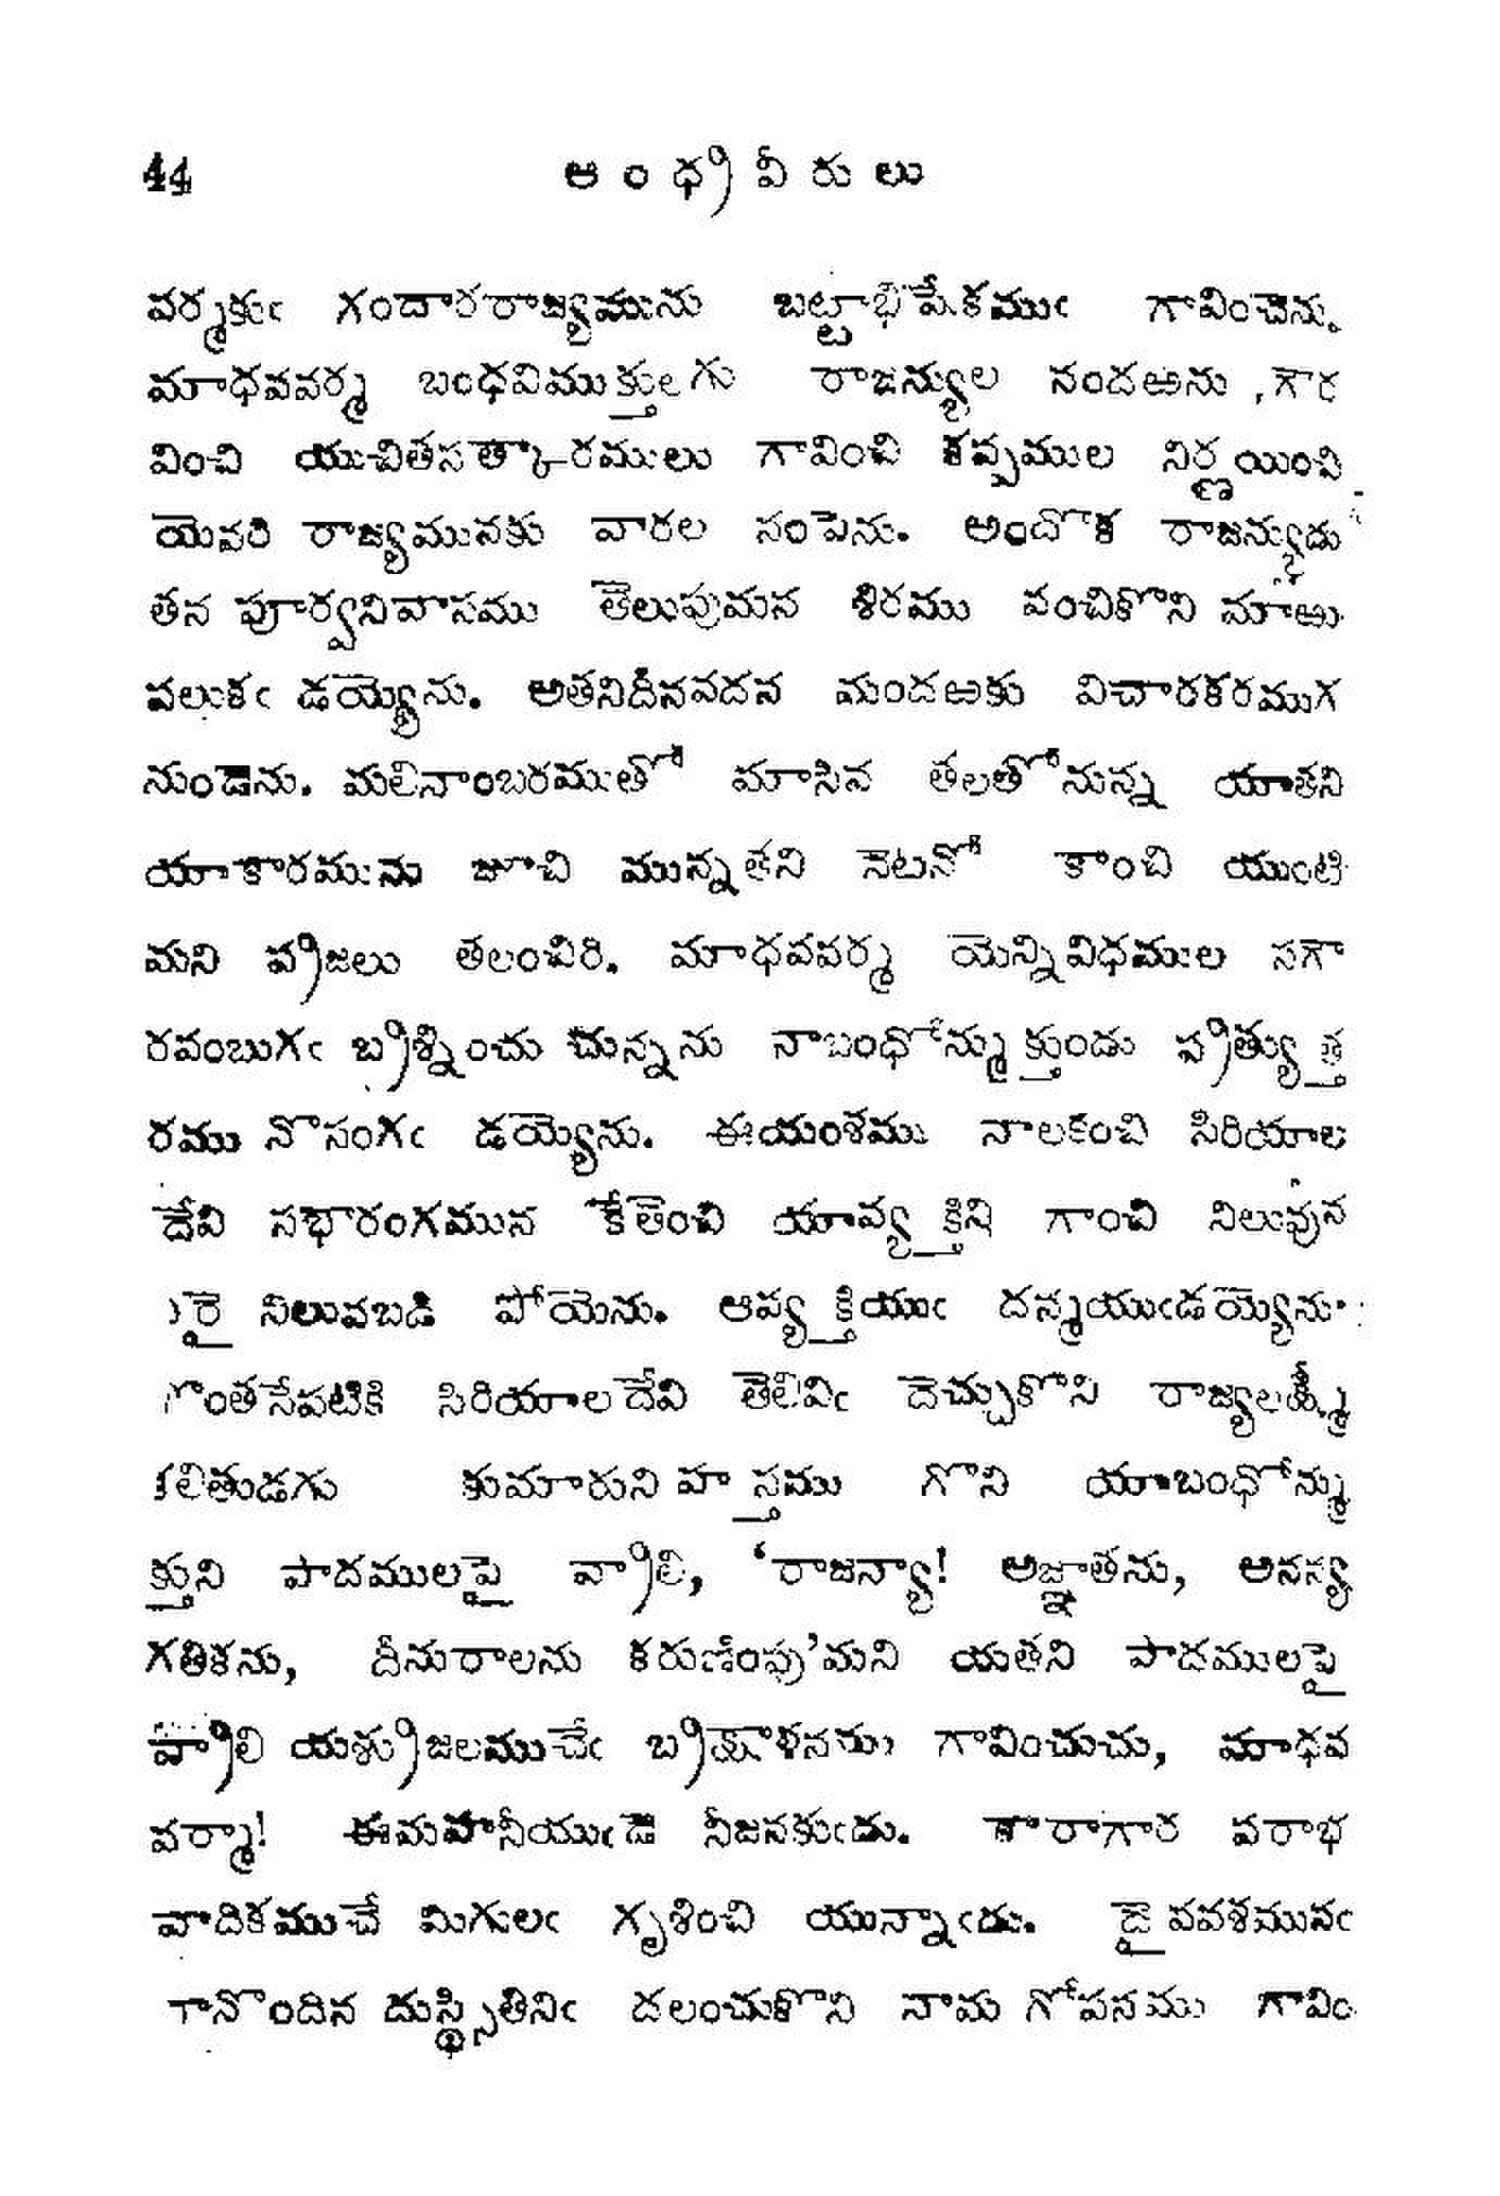వర్మకు గందారరాజ్యమును బట్టాభిషేకము గావించెను. మాధవవర్మ బంధవిముక్తులగు రాజన్యుల నందఱను గౌరవించి యుచితసత్కారములు గావించి కప్పముల నిర్ణయించి యెవరి రాజ్యమునకు వారల నంపెను. అందొక రాజన్యుడు తన పూర్వనివాసము తెలుపుమన శిరము వంచికొని మాఱుపలక డయ్యెను. అతనిదీనవదన మందఱకు విచారకరముగ నుండెను. మలినాంబరముతో మాసిన తలతోనున్న యాతని యాకారమును జూచి మున్నతని నెటనో కాంచి యుంటిమని ప్రజలు తలంచిరి. మాధవవర్మ యెన్నివిధముల సగౌరవముగా బ్రశ్నించు చున్నను నాబంధోన్ముక్తుండు ప్రత్యుత్తరము నొసంగ డయ్యెను. ఈయంశము నాలకించి సిరియాలదేవి సభారంగమున కేతెంచి యావ్యక్తిని గాంచి నిలువున నీరై నిలువబడి పోయెను. ఆవ్యక్తియు దన్మయుడయ్యెను. కొంతసేపటికి సిరియాలదేవి తెలివి దెచ్చుకొని రాజ్యలక్ష్మీ కలితుడగు కుమారుని హస్తము గొని యాబంధోన్ముక్తుని పాదములపై వ్రాలి, 'రాజన్యా! అజ్ఞాతను, అనన్య గతికను, దీనురాలను కరుణింపు'మని యతని పాదములపై వ్రాలి యశ్రుజలముచే బ్రక్షాళనము గావించుచు, మాధవవర్మా! ఈమహనీయుడె నీజనకుడు. కారాగార పరాభవాదికముచే మిగుల గృశించి యున్నాడు. దైవవశమున దానొందిన దుస్థ్సితిని దలంచుకొని నామ గోపనము గావిం